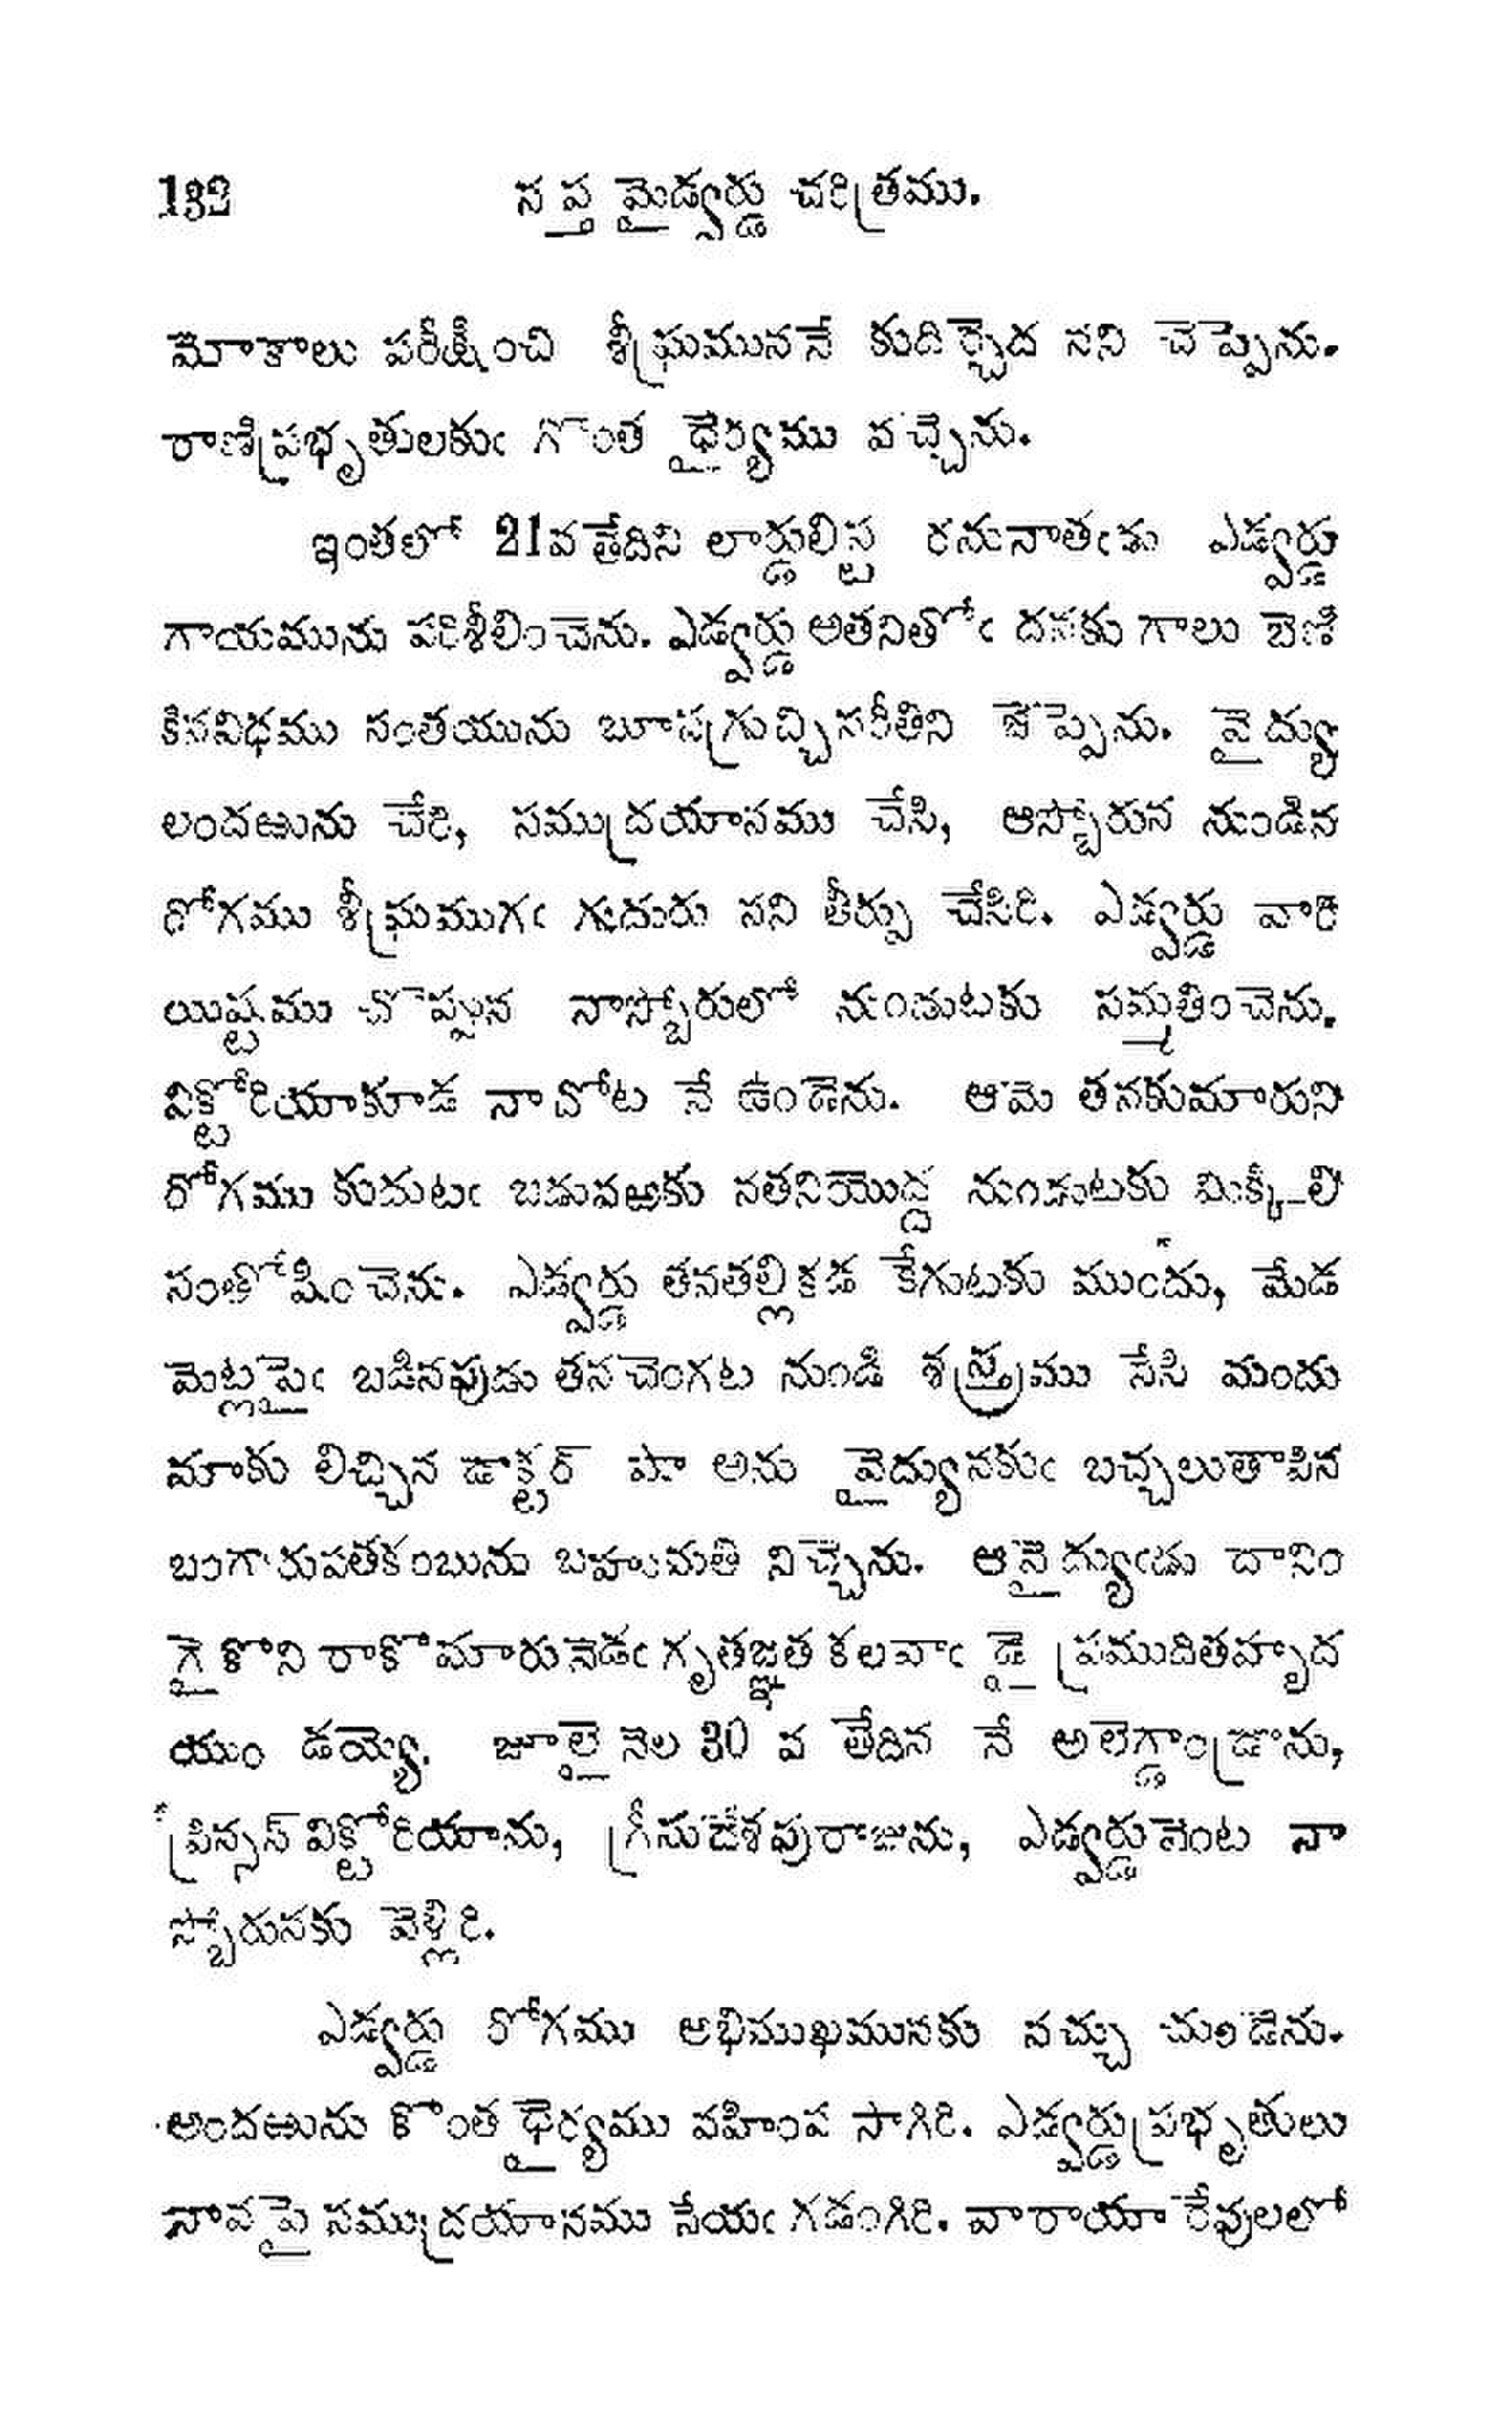మోకాలు పరీక్షించి శ్రీఘ్రముననే కుదిర్చెద నని చెప్పెను. రాణి ప్రభృతులకుఁ గొంత ధైర్యము వచ్చెను.

ఇంతలో 21వ తేదీని లార్డులిస్టరను నాతఁడు. ఎడ్వర్డు గాయమును పరిశీలించెను. ఎడ్వర్డు అతనితోఁ దనకు గాలు బెణి కిన విధము సంతయును బూసగ్రుచ్చిసరీతిని చేప్పెను. వైద్యు లందఱును చేరి, సముద్రయానము చేసి, ఆస్బోరున నుండిన రోగము శీఘ్రముగఁ గుదురు సని తీర్పు చేసిరి. ఎడ్వర్డు వారి యిష్టము చొప్పున నాస్బోరులో నుంచుటకు సమ్మతించెను. విక్టోరియా కూడ నాచోటనే ఉండెను. ఆమె తనకుమారుని రోగము కుదుటఁ బడువఱకు నతనియొద్ద నుండుటకు మిక్కిలి సంతోషించెను. ఎడ్వర్డు తనతల్లి కడ కేగుటకు ముందు, మేడ మెట్ల పైఁ బడినపుడు తన చెంగట నుండి శస్త్రము సేసి మందు మాకు లిచ్చిన డాక్టర్ షా అను వైద్యునకుఁ బచ్చలు తాపిన బుగారు పతకంబును బహుమతి నిచ్చెను. ఆనైద్యుడు దానిని గైకొని రాకోమారు నెడఁ గృతజ్ఞత కలవాఁడై ప్రముదితహృద యుండయ్యె. జూలై నెల 30 వ తేదిన నే అలెగ్జాండ్రను, 'ప్రిన్సస్ విక్టోరియాను, గ్రీసుదేశపు రాజును, ఎడ్వర్డు వెంట నా స్బోరుసకు వెళ్లిరి. . ఎడ్వర్డు రోగము అభిముఖమునకు వచ్చు చుండెను. అందరును కొంత ధైర్యము వహింప సాగిరి. ఎడ్వర్డు ప్రభృతులు నావపై సముద్రయానము సేయఁ గడంగిరి. వారాయా రేవులలో